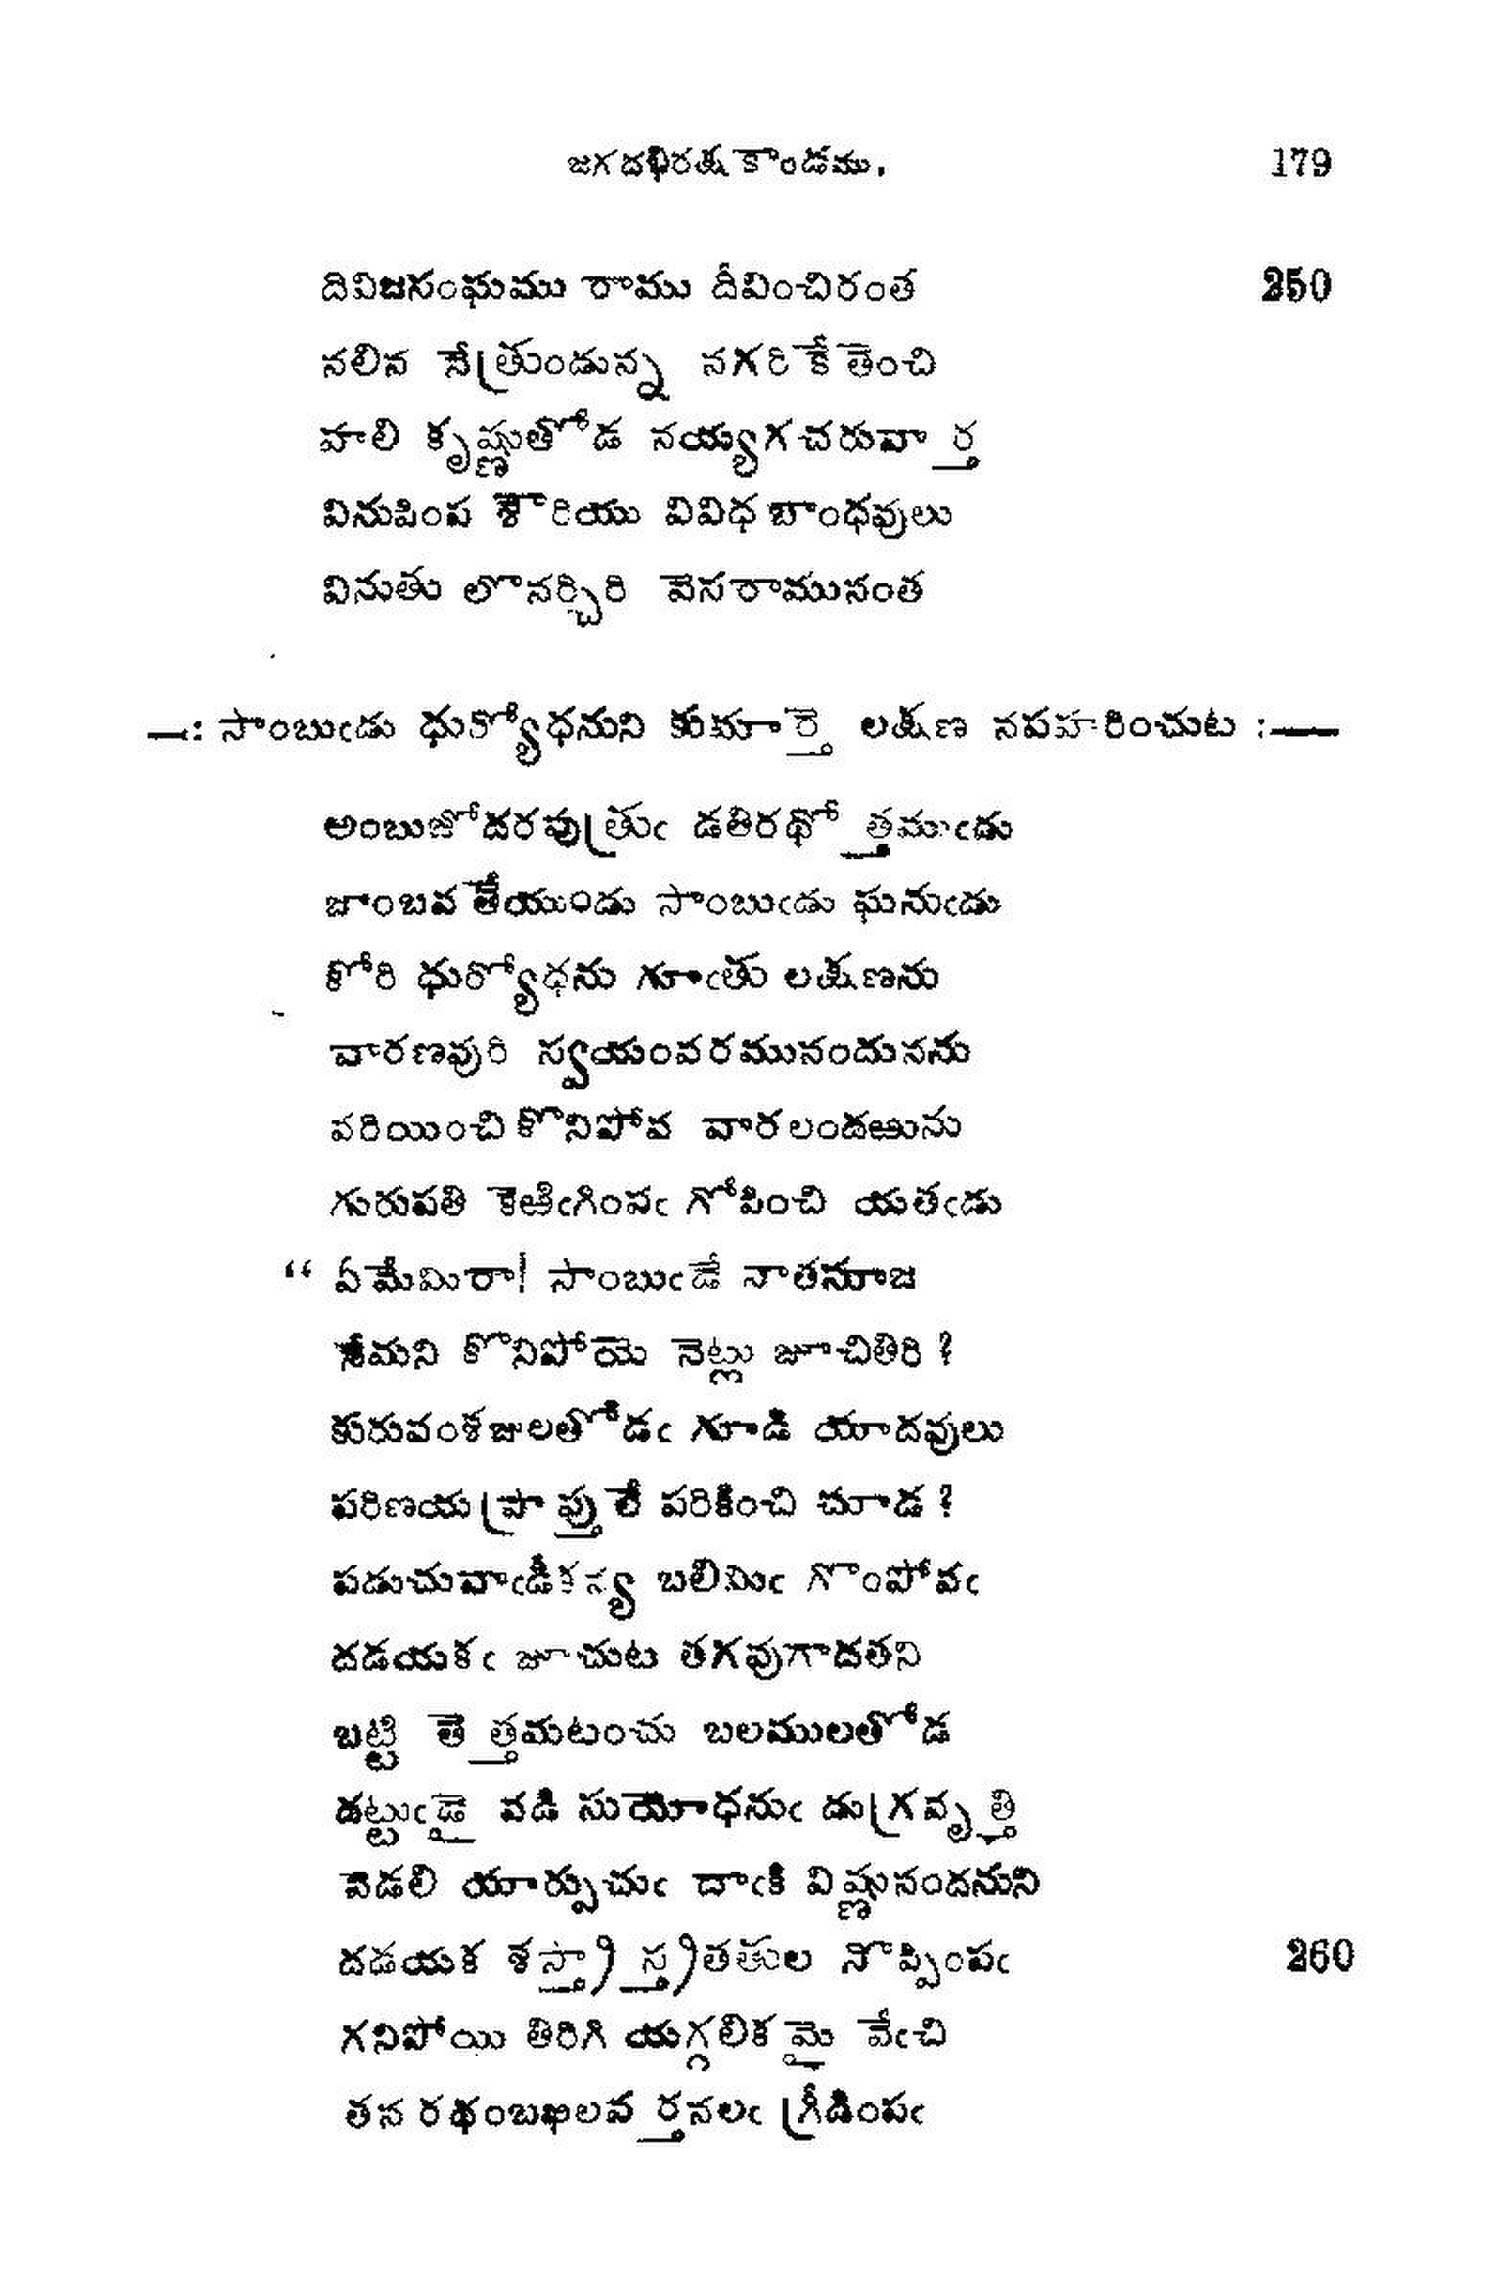దివిజసంఘము రాము దీవించిరంత 
నలిన నేత్రుండున్న నగరికేతెంచి 
హలి కృష్ణుతోడ నయ్యగచరు వార్త
వినుపింప శౌరియు వివిధ బాంధవులు
వినుతు లొనర్చిరి వెసరామునంత

అంబుజోదరపుత్రుఁ డతిరథోత్తముఁడు
జాంబవతేయుండు సాంబుఁడు ఘనుఁడు
కోరి ధుర్యోధను గూఁతు లక్షణను
వారణవురి స్వయంవరమునందునను
వరియించి కొనిపోవ వారలందఱును
గురుపతి కెఱిఁగింపఁ గోపించి యతఁడు 
“ఏమేమిరా! సాంబుఁడే నాతనూజ
నేమని కొనిపోయె నెట్లు జూచితిరి? 
కురువంశజులతోడఁ గూడి యాదవులు
పరిణయప్రాప్తులే పరికించి చూడ? 
పడుచువాఁడీకన్య బలిమిఁ గొంపోవఁ 
దడయకఁ జూచుట తగవుగా దతని
బట్టి తెత్త” మటంచు బలములతోడ
దట్టుఁడై వడి సుయోధనుఁ డుగ్రవృత్తి
వెడలి యార్పుచుఁ దాఁకి విష్ణునందనుని
దడయక శస్త్రాస్త్రతతుల నొప్పింపఁ
గనిపోయి తిరిగి యగ్గలికమై వేఁచి
తన రథంబఖిలవర్తనలఁ గ్రీడింపఁ